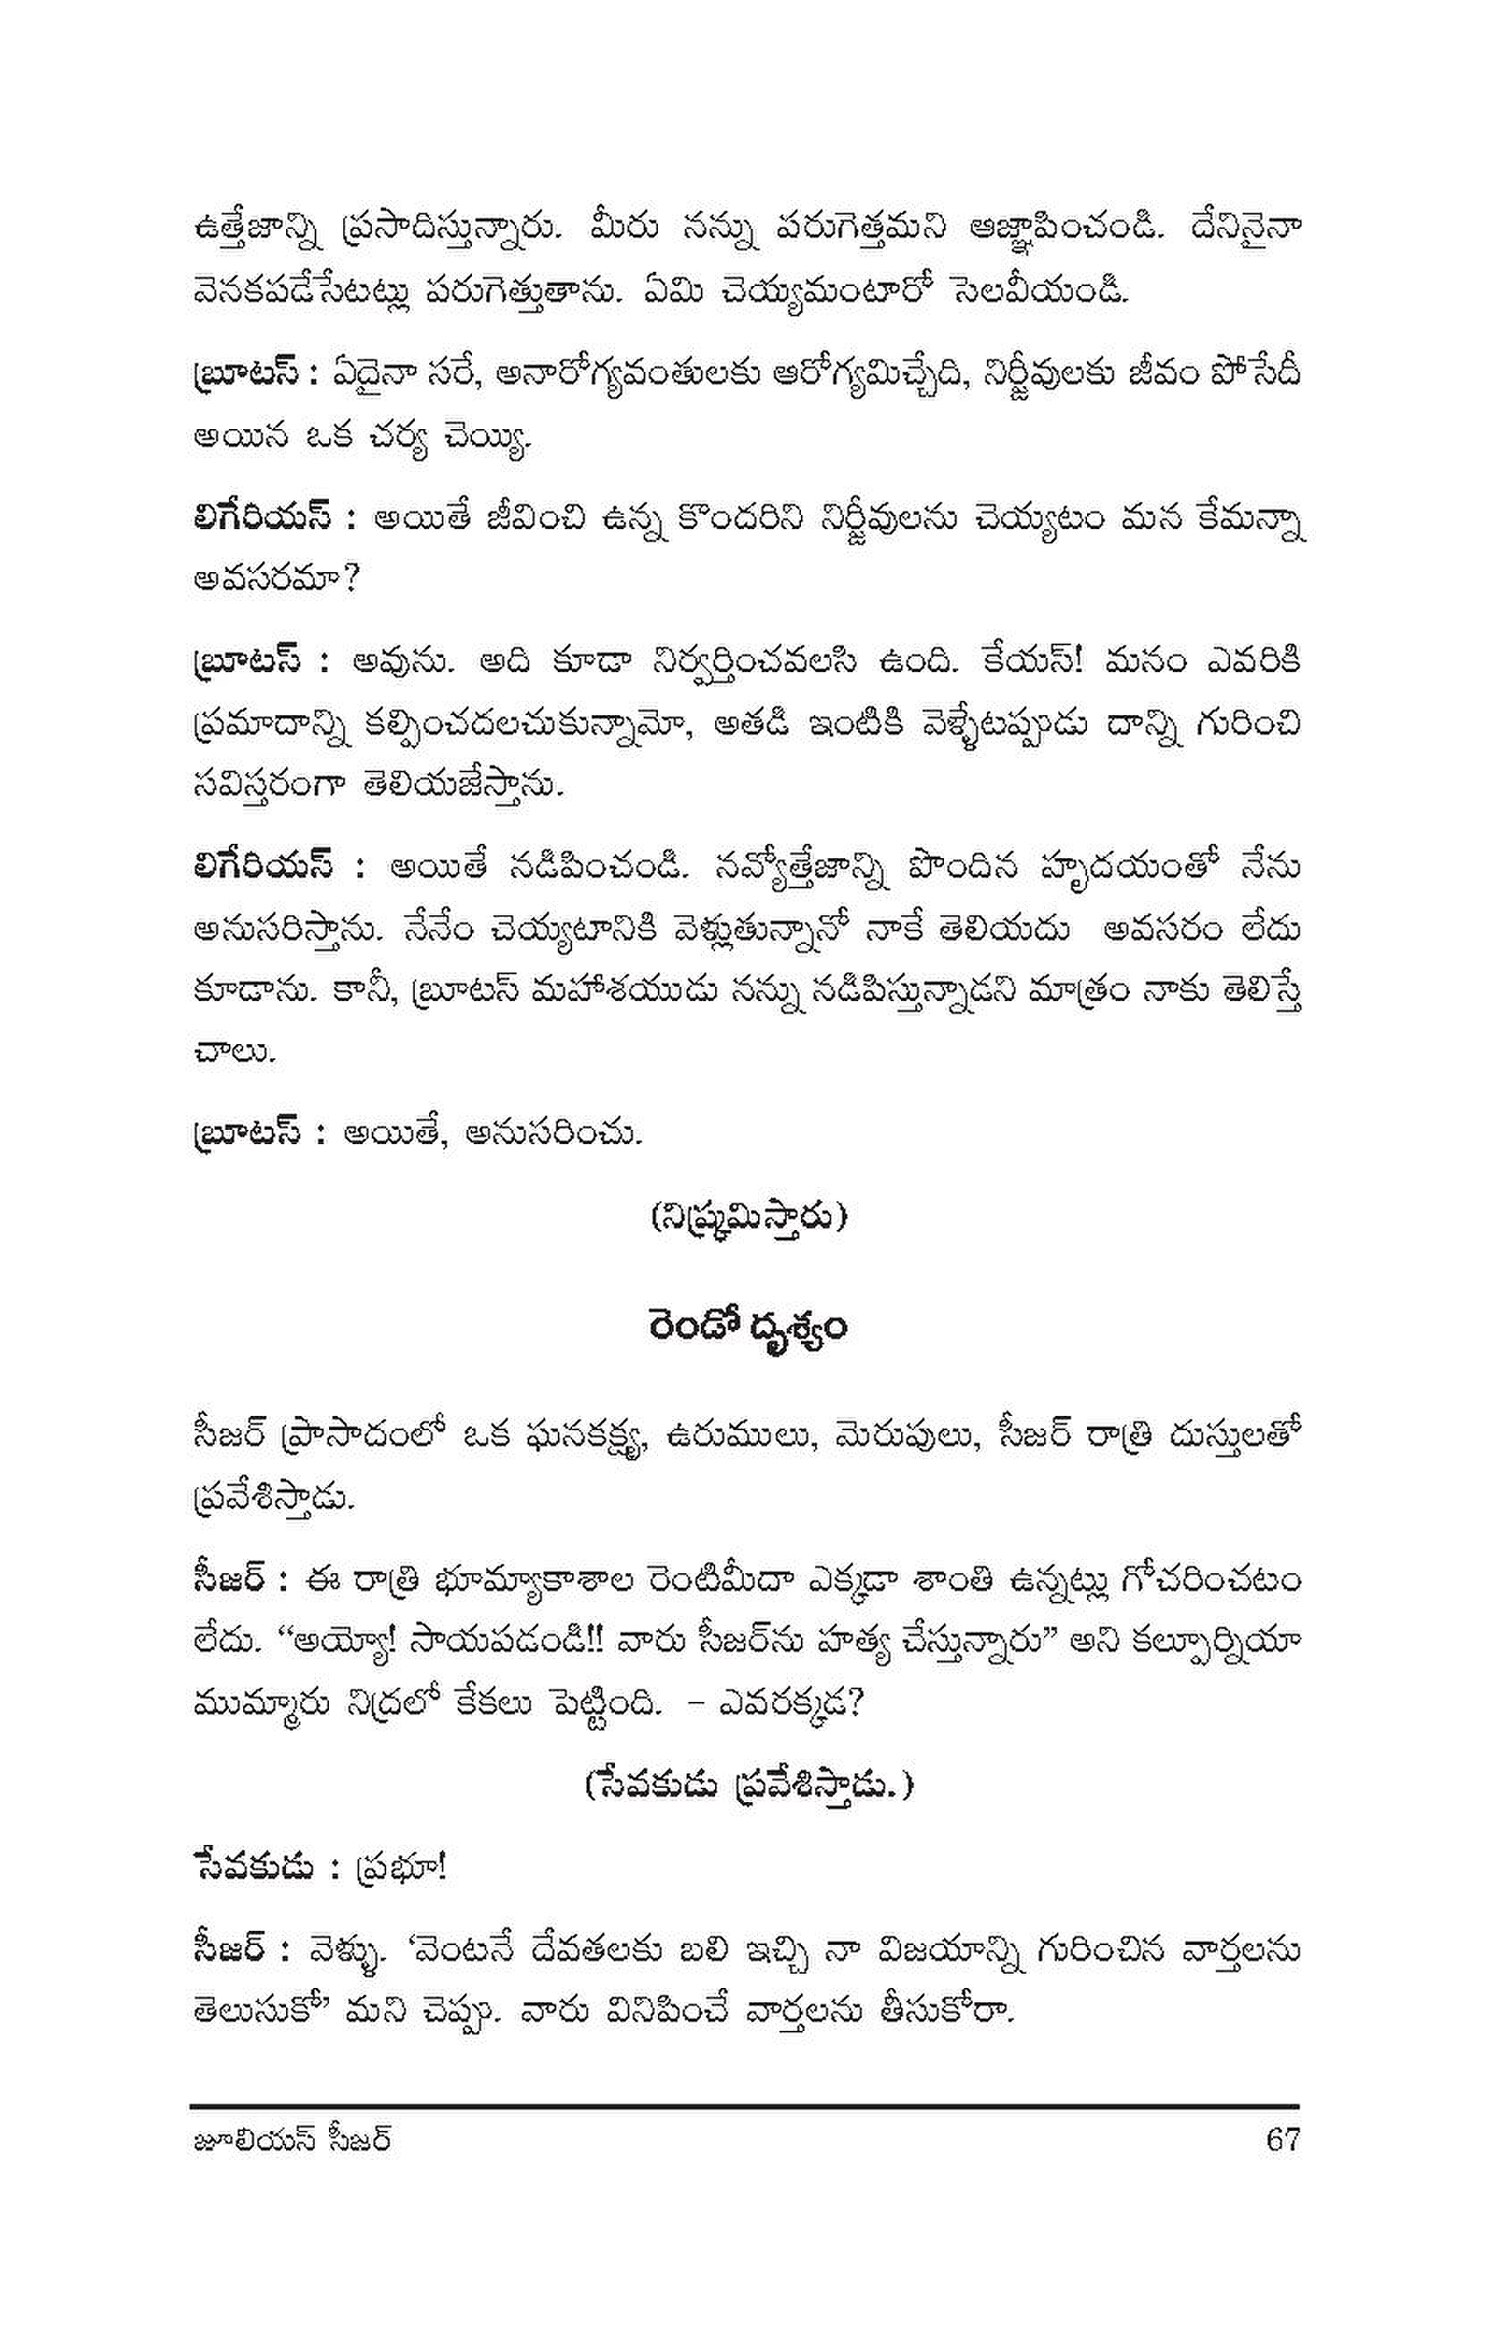ఉత్తేజాన్ని ప్రసాదిస్తున్నారు. మీరు నన్ను పరుగెత్తమని ఆజ్ఞాపించండి. దేనినైనా వెనకపడేసేటట్లు పరుగెత్తుతాను. ఏమి చెయ్యమంటారో సెలవీయండి.

బ్రూటస్ : ఏదైనా సరే, అనారోగ్యవంతులకు ఆరోగ్యమిచ్చేది, నిర్జీవులకు జీవం పోసేదీ అయిన ఒక చర్య చెయ్యి.

లిగేరియస్ : అయితే జీవించి ఉన్న కొందరిని నిర్జీవులను చెయ్యటం మన కేమన్నా అవసరమా?

బ్రూటస్ : అవును. అది కూడా నిర్వర్తించవలసి ఉంది. కేయస్ ! మనం ఎవరికి ప్రమాదాన్ని కల్పించదలచు కున్నామో, అతడి ఇంటికి వెళ్ళేటప్పుడు దాన్ని గురించి సవిస్తరంగా తెలియజేస్తాను.

లిగేరియస్ : అయితే నడిపించండి. నవ్యోత్తేజాన్ని పొందిన హృదయంతో నేను అనుసరిస్తాను. నేనేం చెయ్యటానికి వెళ్లుతున్నానో నాకే తెలియదు అవసరం లేదు కూడాను. కానీ, బ్రూటస్ మహాశయుడు నన్ను నడిపిస్తున్నాడని మాత్రం నాకు తెలిస్తే చాలు.

బ్రూటస్ : అయితే, అనుసరించు.

సీజర్ ప్రాసాదంలో ఒక ఘనకక్ష్య, ఉరుములు, మెరుపులు, సీజర్ రాత్రి దుస్తులతో ప్రవేశిస్తాడు.

సీజర్ : ఈ రాత్రి భూమ్యాకాశాల రెంటిమీదా ఎక్కడా శాంతి ఉన్నట్లు గోచరించటం లేదు. "అయ్యో! సాయపడండి!! వారు సీజర్ను హత్య చేస్తున్నారు” అని కల్పూర్నియా ముమ్మారు నిద్రలో కేకలు పెట్టింది. - ఎవరక్కడ?

సేవకుడు : ప్రభూ!

సీజర్ : వెళ్ళు. 'వెంటనే దేవతలకు బలి ఇచ్చి నా విజయాన్ని గురించిన వార్తలను తెలుసుకో” మని చెప్పు. వారు వినిపించే వార్తలను తీసుకోరా.